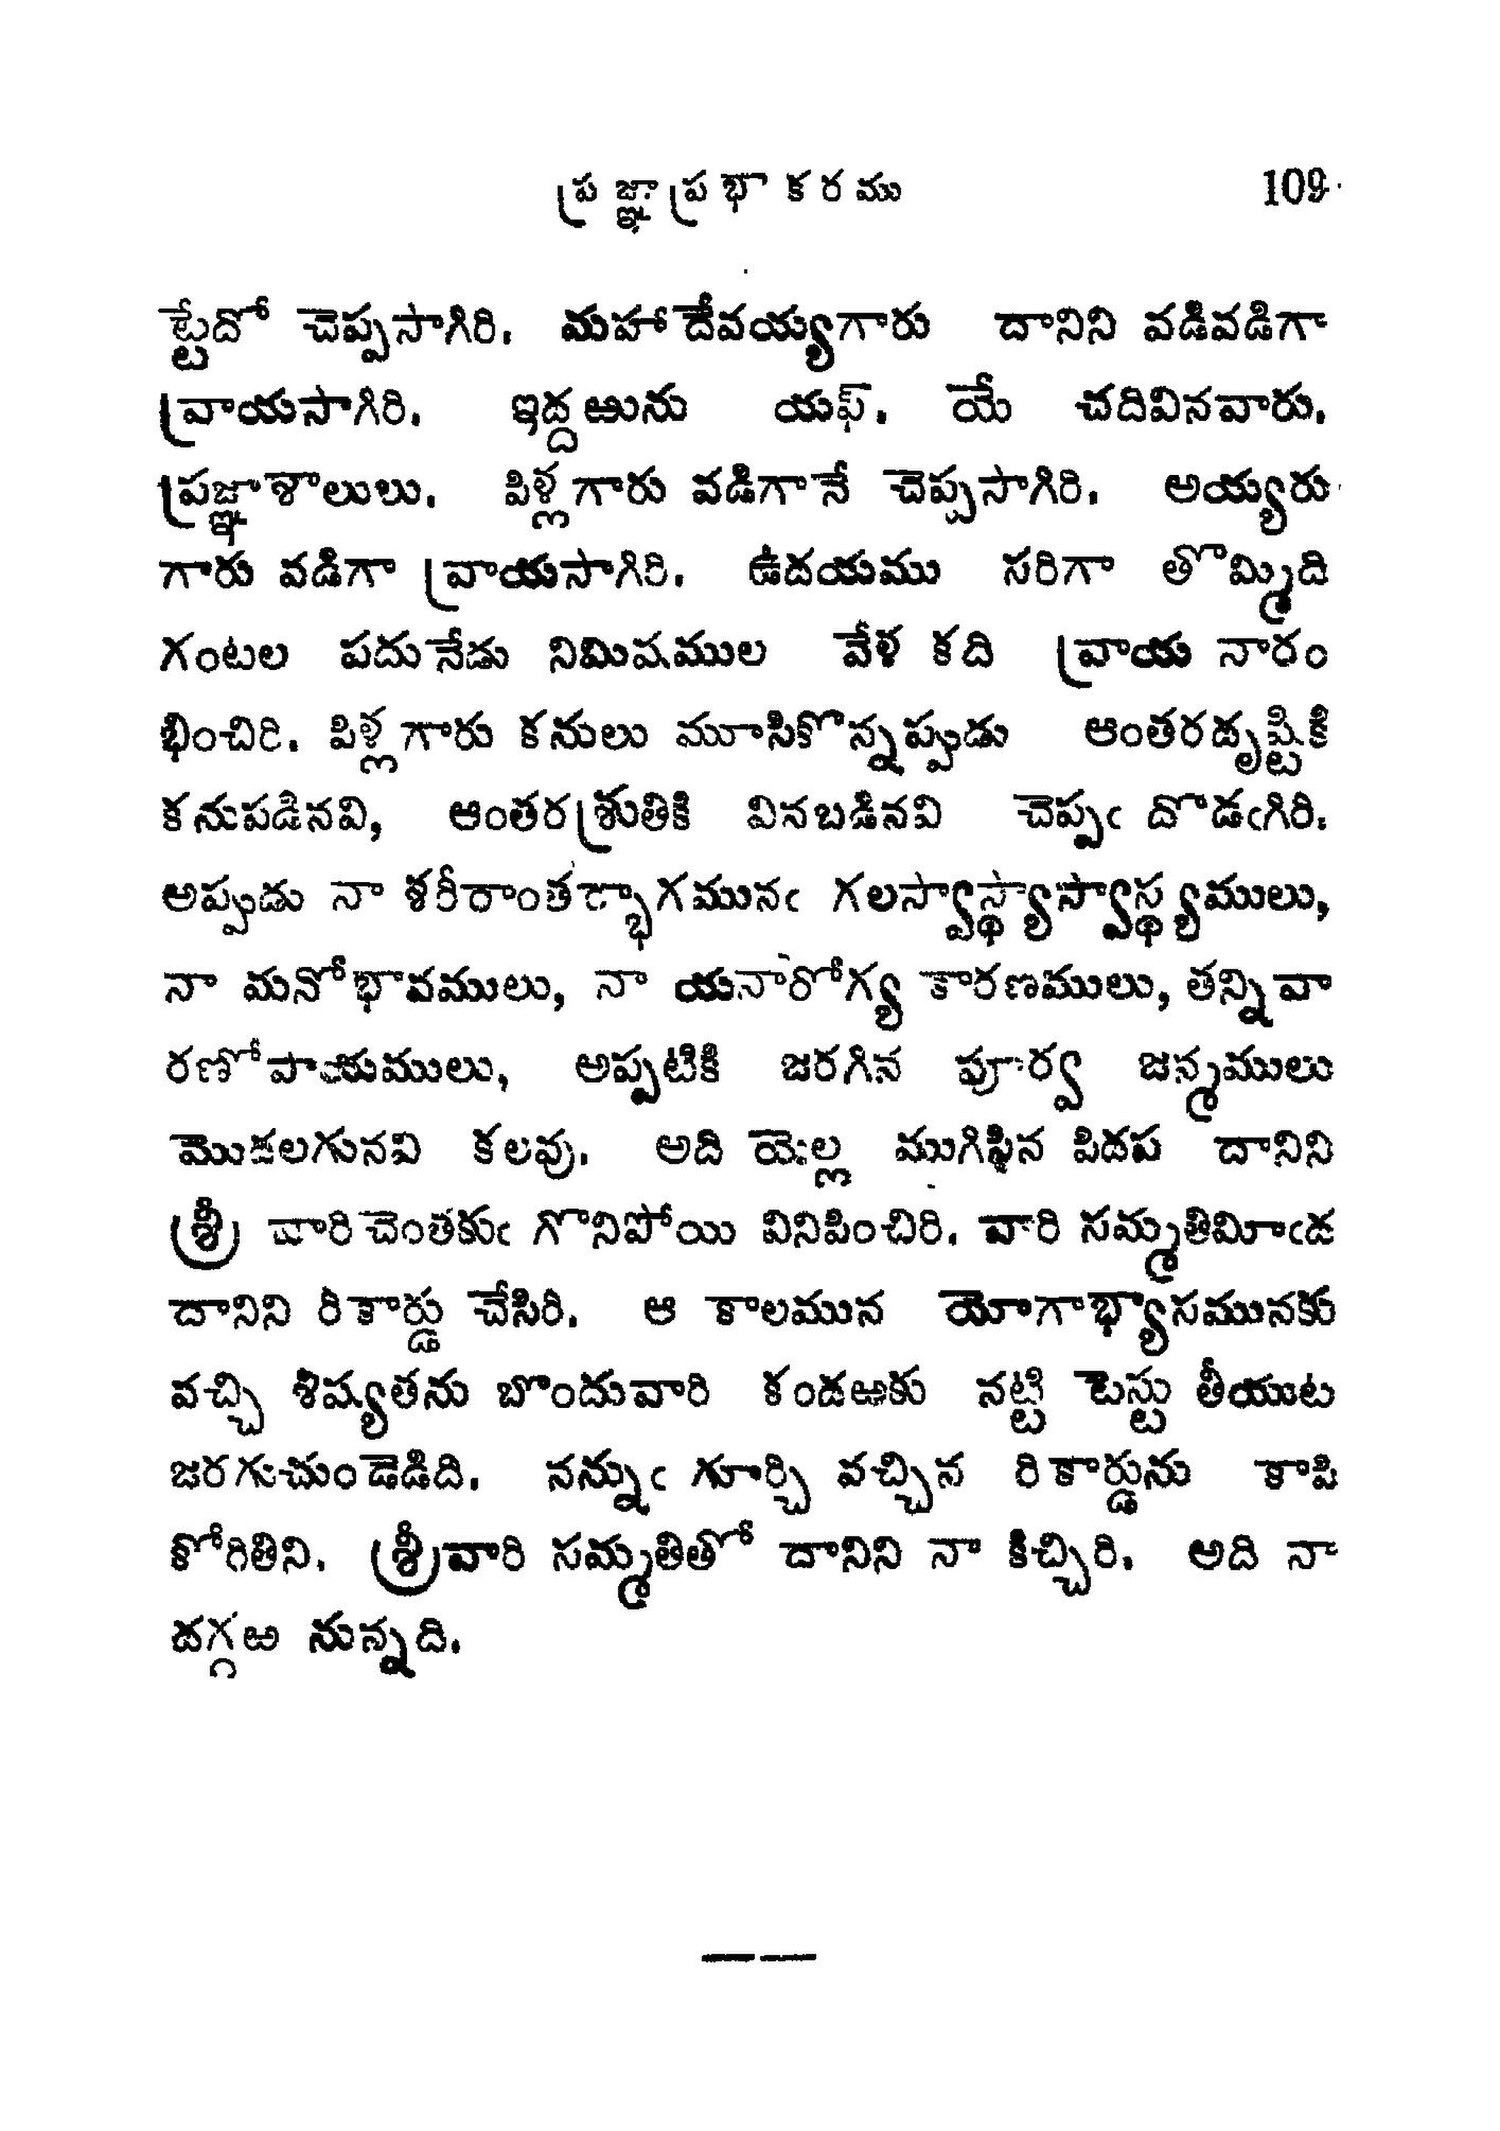ట్టేదో చెప్పసాగిరి. మహా దేవయ్యగారు దానిని వడివడిగా వ్రాయసాగిరి. ఇద్దఱును యఫ్. యే చదివిన వారు, ప్రజ్ఞా శాలులు. పిళ్ళ గారు వడిగానే చెప్పసాగిరి. అయ్యరు గారు వడిగా వ్రాయ సాగిరి. ఉదయము సరిగా తొమ్మిది గంటల పదునేడు నిమిషముల వేళకది వ్రాయ నారంభించిరి. పిళ్ళ గారు కనులు మూసికొన్నప్పుడు అంతర దృష్టికి కనుపడి నవి, ఆంతరశ్రుతికి వినబడినవి చెప్పఁ దొడఁ గిరి. అప్పుడు నా శరీరాం త ర్భాగమునఁ గల స్వస్ధ్యాస్వాస్ధ్యములు, న మనో భావములు , నా యనరోగ్యము కారణములు, తన్ని వారణో పాయములు, అప్పటికి జరిగిన పూర్వ జన్మములు మొదలగు నవి కలవు. అది యెల్ల ముగిసిన పిదప దానిని శ్రీ వారి చెంతకుఁ గొనిపోయి వినిపించిరి. వారి సమ్మతి మిఁద దానిని రికార్డు చేసిరి. ఆ కాలమున యోగాభ్యాసమునకు వచ్చి శిష్యతను బొందువారి కందఱకు నట్టి టెస్టు తీయుట జరగు చుండెడిది. నన్నుఁ గూర్చి వచ్చిన రికార్డును కాపి కోరితిని. శ్రీ వారి సమ్మతితో దానిని నాకిచ్చిరి. అది నా దగ్గఱ నున్నది.